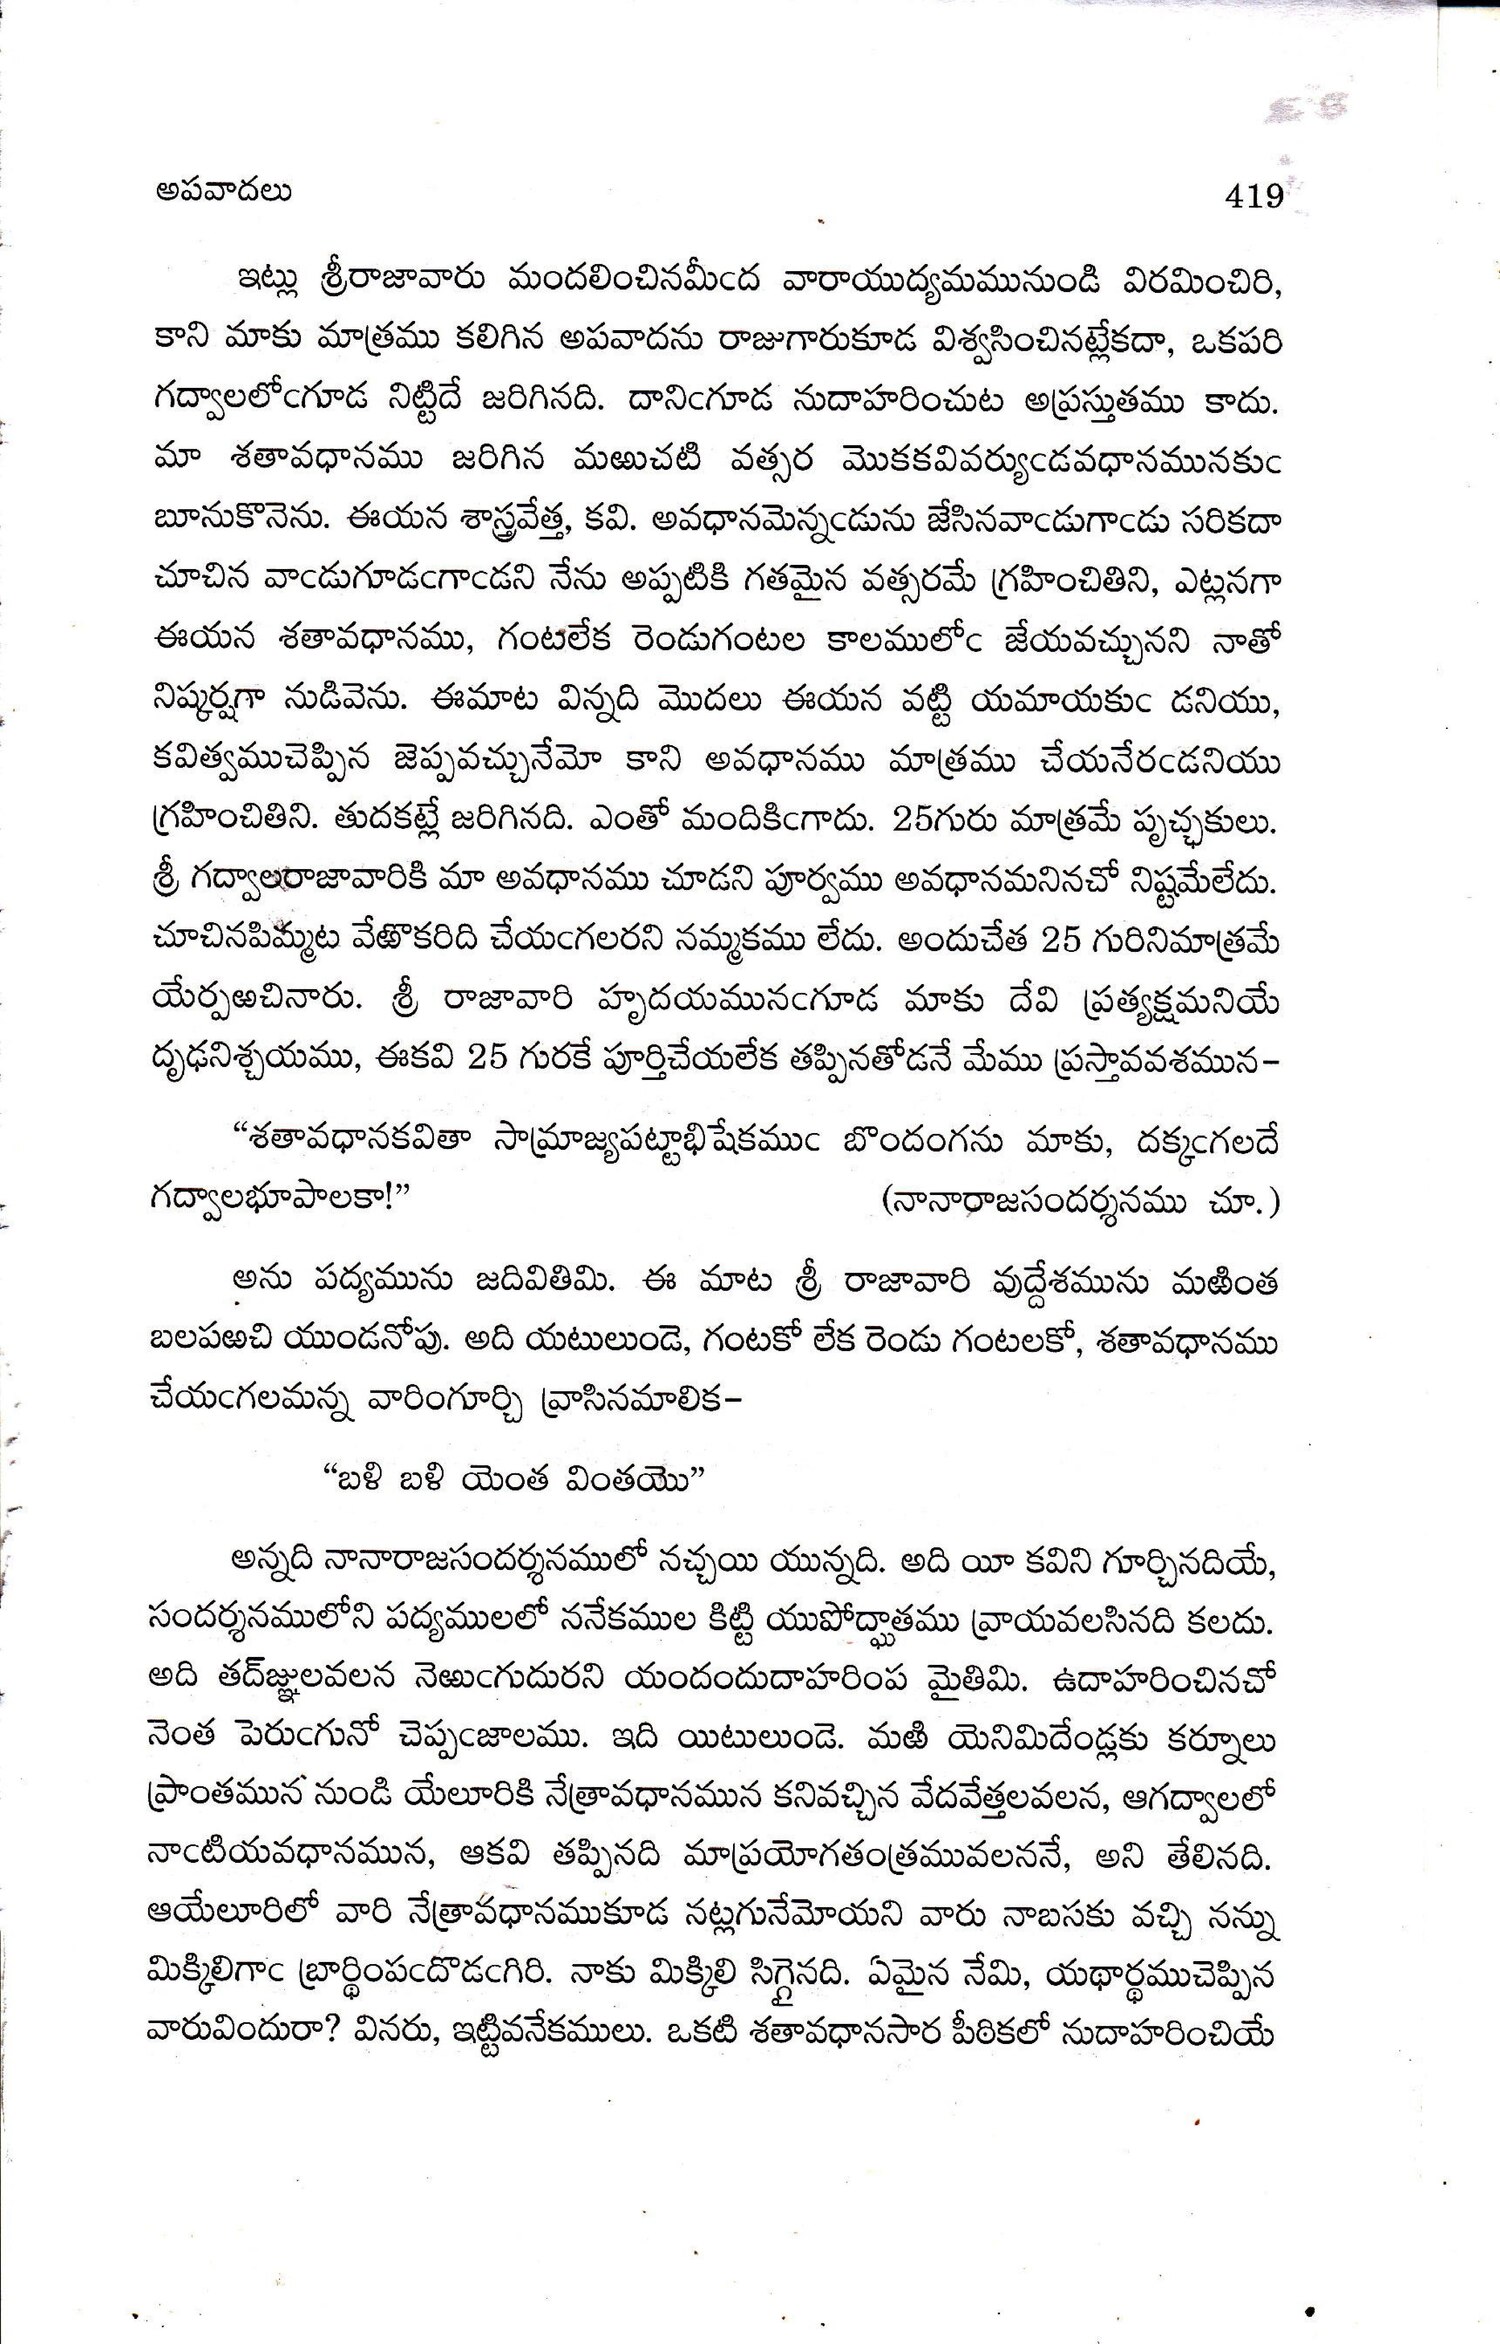ఇట్లు శ్రీరాజావారు మందలించినమీఁద వారాయుద్యమమునుండి విరమించిరి, కాని మాకు మాత్రము కలిగిన అపవాదను రాజుగారుకూడ విశ్వసించినట్లేకదా, ఒకపరి గద్వాలలోఁగూడ నిట్టిదే జరిగినది. దానిఁగూడ నుదాహరించుట అప్రస్తుతము కాదు. మా శతావధానము జరిగిన మఱుచటి వత్సర మొకకవివర్యుఁడవధానమునకుఁ బూనుకొనెను. ఈయన శాస్త్రవేత్త, కవి. అవధానమెన్నఁడును జేసినవాఁడుగాఁడు సరికదా చూచిన వాఁడుగూడఁగాఁడని నేను అప్పటికి గతమైన వత్సరమే గ్రహించితిని. ఎట్లనగా ఈయన శతావధానము, గంటలేక రెండుగంటల కాలములోc జేయవచ్చునని నాతో నిష్కర్షగా నుడివెను. ఈమాట విన్నది మొదలు ఈయన వట్టి యమాయకుఁ డనియు, కవిత్వముచెప్పిన జెప్పవచ్చునేమో కాని అవధానము మాత్రము చేయనేరఁడనియు గ్రహించితిని. తుదకట్లే జరిగినది. ఎంతో మందికిఁగాదు. 25గురు మాత్రమే పృచ్ఛకులు. శ్రీ గద్వాలరాజావారికి మా అవధానము చూడని పూర్వము అవధానమనినచో నిష్టమేలేదు. చూచినపిమ్మట వేఱొకరిది చేయఁగలరని నమ్మకము లేదు. అందుచేత 25 గురినిమాత్రమే యేర్పఱచినారు. శ్రీ రాజావారి హృదయమునఁగూడ మాకు దేవి ప్రత్యక్షమనియే దృఢనిశ్చయము, ఈకవి 25 గురకే పూర్తిచేయలేక తప్పినతోడనే మేము ప్రస్తావవశమున

“శతావధానకవితా సామ్రాజ్యపట్టాభిషేకముఁ బొందంగను మాకు, దక్కఁగలదే గద్వాలభూపాలకా!" 

అను పద్యమును జదివితిమి. ఈ మాట శ్రీ రాజావారి వుద్దేశమును మఱింత బలపఱచి యుండనోపు. అది యటులుండె, గంటకో లేక రెండు గంటలకో, శతావధానము చేయఁగలమన్న వారింగూర్చి వ్రాసినమాలిక

“బళి బళి యెంత వింతయో"
అన్నది నానారాజసందర్శనములో నచ్చయి యున్నది. అది యీ కవిని గూర్చినదియే, సందర్శనములోని పద్యములలో ననేకముల కిట్టి యుపోద్ఘాతము వ్రాయవలసినది కలదు. అది తద్‌జ్ఞులవలన నెఱుఁగుదురని యందందుదాహరింప మైతిమి. ఉదాహరించినచో నెంత పెరుఁగునో చెప్పఁజాలము. ఇది యిటులుండె, మఱి యెనిమిదేండ్లకు కర్నూలు ప్రాంతమున నుండి యేలూరికి నేత్రావధానమున కనివచ్చిన వేదవేత్తలవలన, ఆగద్వాలలో నాఁటియవధానమున, ఆకవి తప్పినది మాప్రయోగతంత్రమువలననే, అని తేలినది. ఆయేలూరిలో వారి నేత్రావధానముకూడ నట్లగునేమోయని వారు నాబసకు వచ్చి నన్ను మిక్కిలిగాం బ్రార్ధింపఁదొడఁగిరి. నాకు మిక్కిలి సిగ్గైనది. ఏమైన నేమి, యథార్ధముచెప్పిన వారువిందురా? వినరు, ఇట్టివనేకములు. ఒకటి శతావధానసార పీఠికలో నుదాహరించియే